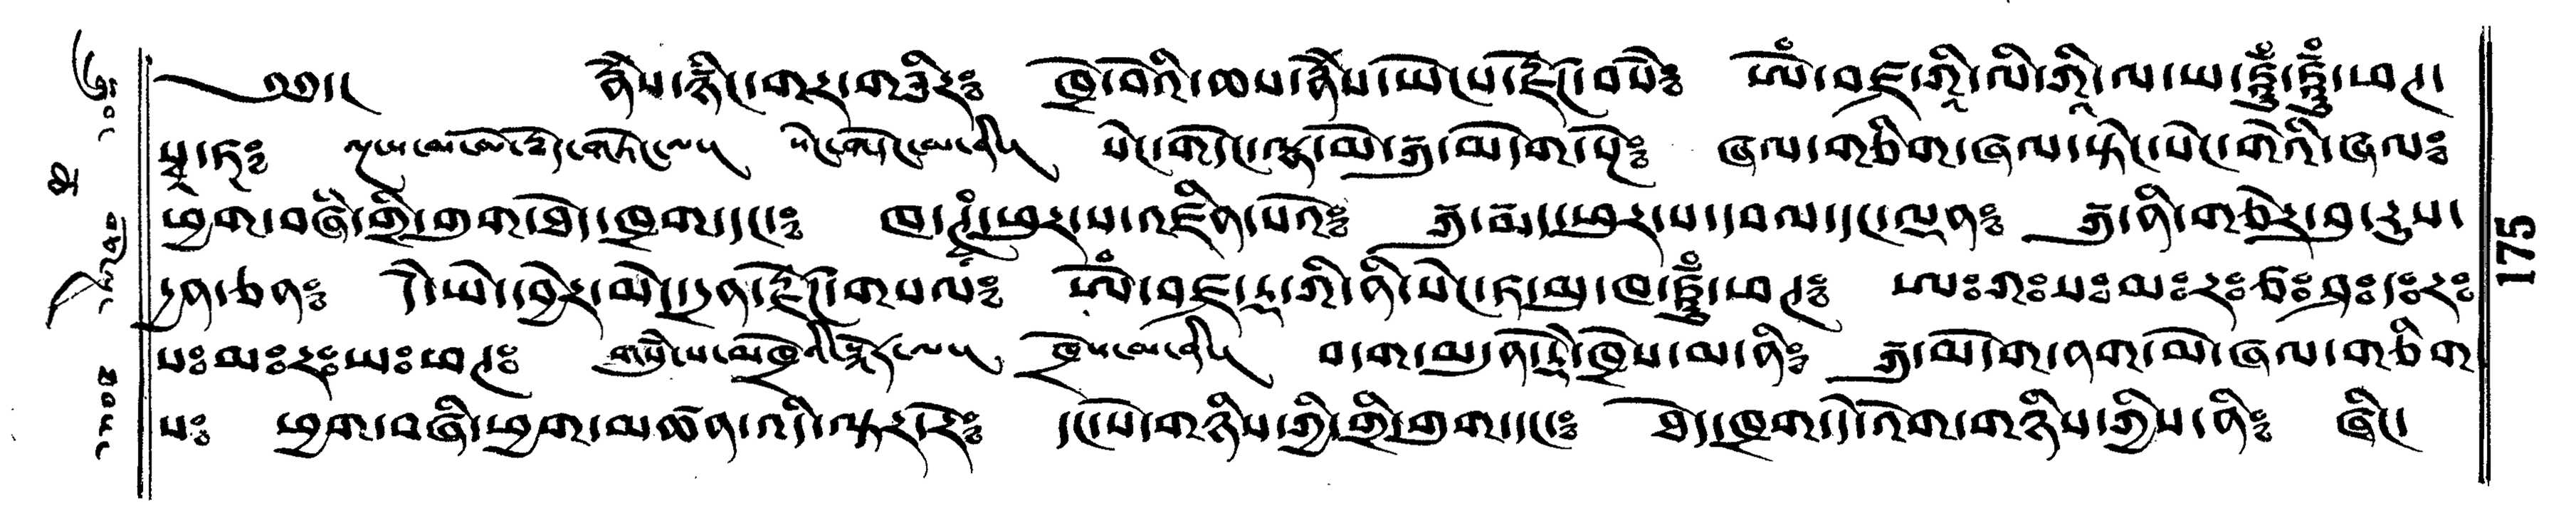རྣམས་སྙིང་གར་གཟིར༔ ཁྲོ་བོའི་ཆས་རྣམས་ཡོངས་རྫོགས་བསམ༔ ཨོཾ་བཛྲ་ཀཱི་ལི་ཀཱི་ལ་ཡ་ཧཱུྃ་ཧཱུྃ་ཕཊ་
སྭཱ་ཧཱ༔ ལྔ་པ་མ་མོ་རྦོད་གཏོང་ལ། སེང་གདོང་མ་ནི། སེང་གདོང་ལྷ་མོ་སྐུ་མདོག་སྔོ༔ ཞལ་གཅིག་ཞལ་སྟེང་སེང་གེའི་ཞལ༔ 
ཕྱག་བཞི་གྲི་གུག་ཐོད་ཁྲག་དང༔ཁ་ཊྭཱཾ་ཕུར་པ་འཛིན་པའོ༔ སྐུ་སྨད་ཕུར་པ་དབལ་དང་ལྡན༔ སྐུ་ནི་གཅེར་བུ་རུས་
རྒྱན་ཅན༔ དམ་ཡེ་དབྱེར་མེད་དྲན་རྫོགས་གསལ༔ ཨོཾ་བཛྲ་དྷ་ཀི་ནི་སེང་ཧ་མུ་ཁ་ཧཱུྃཕཊ༔ ཨཿཀཿསཿམཿར་ཙཿཤཿདཿརཿ
སཿམཿརཿཡཿཕཊཿ གསུམ་པ་མཁའ་འགྲོའི་སྐོར་ལ། ཁྲོས་མ་ནི། བདག་མདུན་རྡོ་རྗེ་ཁྲོས་མ་ནི༔ སྐུ་མདོག་ནག་མོ་ཞལ་གཅིག་
པ༔ ཕྱག་བཞི་ཕྱག་མཚན་འདི་ལྟར་རོ༔ དང་པོ་གཉིས་ཀྱི་གྲི་གུག་དང༔ ཐོད་ཁྲག་དེ་འོག་གཉིས་ཀྱིས་ནི༔ ཞིང་